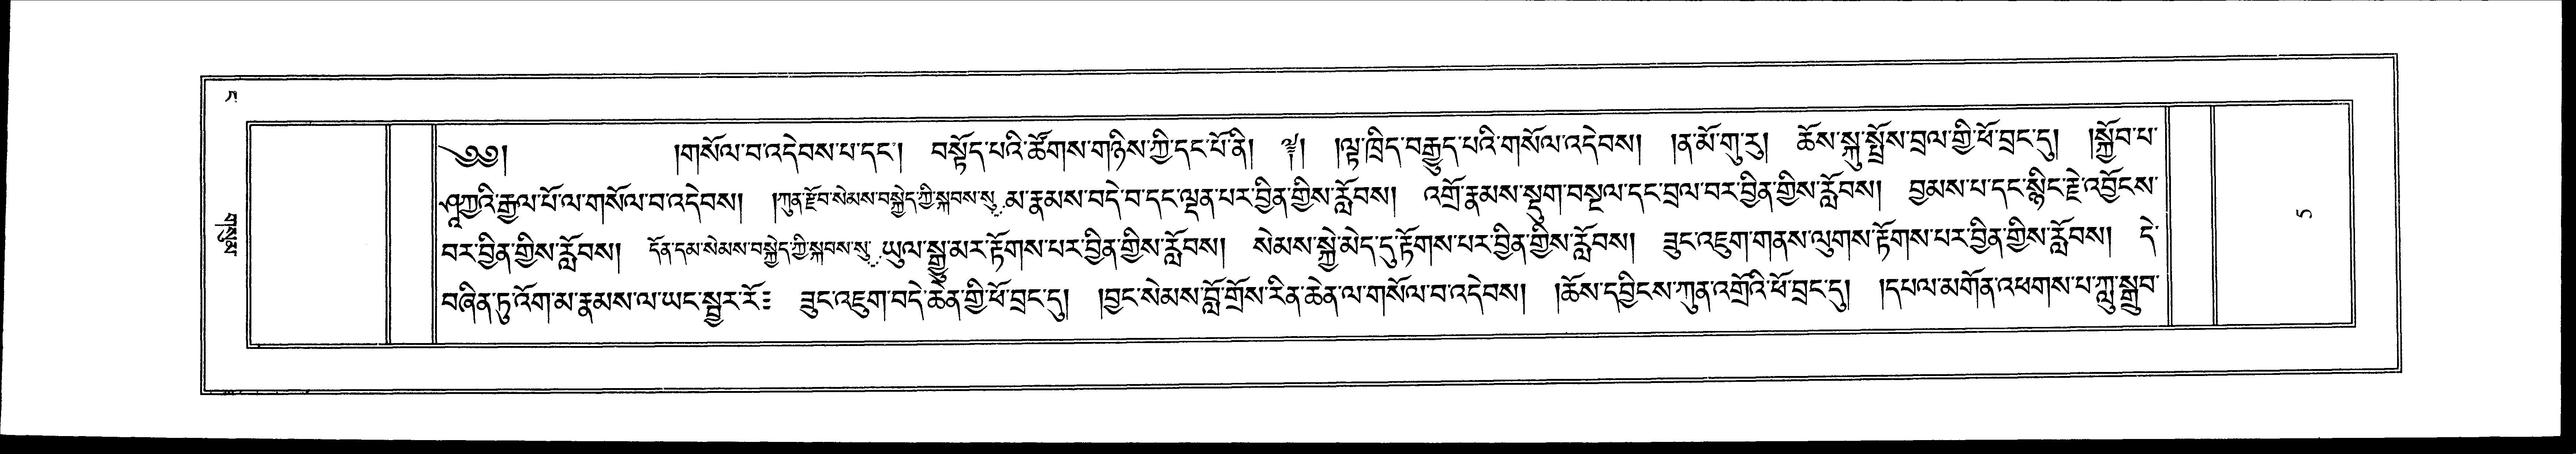༄༅། །གསོལ་བ་འདེབས་པ་དང་། བསྟོད་པའི་ཚོགས་གཉིས་ཀྱི་དང་པོ་ནི། ༈ ། །ལྟ་ཁྲིད་བརྒྱུད་པའི་གསོལ་འདེབས། །ན་མོ་གུ་རུ། ཆོས་སྐུ་སྤྲོས་བྲལ་གྱི་ཕོ་བྲང་དུ། །སྐྱོབ་པ་
ཤཱཀྱའི་རྒྱལ་པོ་ལ་གསོལ་བ་འདེབས། །ཀུན་རྫོབ་སེམས་བསྐྱེད་ཀྱི་སྐབས་སུ་མ་རྣམས་བདེ་བ་དང་ལྡན་པར་བྱིན་གྱིས་རློབས། འགྲོ་རྣམས་སྡུག་བསྔལ་དང་བྲལ་བར་བྱིན་གྱིས་རློབས། བྱམས་པ་དང་སྙིང་རྗེ་འབྱོངས་
བར་བྱིན་གྱིས་རློབས། དོན་དམ་སེམས་བསྐྱེད་ཀྱི་སྐབས་སུ་ཡུལ་སྒྱུ་མར་རྟོགས་པར་བྱིན་གྱིས་རློབས། སེམས་སྐྱེ་མེད་དུ་རྟོགས་པར་བྱིན་གྱིས་རློབས། ཟུང་འཇུག་གནས་ལུགས་རྟོགས་པར་བྱིན་གྱིས་རློབས། དེ་
བཞིན་ཏུ་འོག་མ་རྣམས་ལ་ཡང་སྦྱར་རོ་ཟུང་འཇུག་བདེ་ཆེན་གྱི་ཕོ་བྲང་དུ། །བྱང་སེམས་བློ་གྲོས་རིན་ཆེན་ལ་གསོལ་བ་འདེབས། །ཆོས་དབྱིངས་ཀུན་འགྲོའི་ཕོ་བྲང་དུ། །དཔལ་མགོན་འཕགས་པ་ཀླུ་སྒྲུབ་